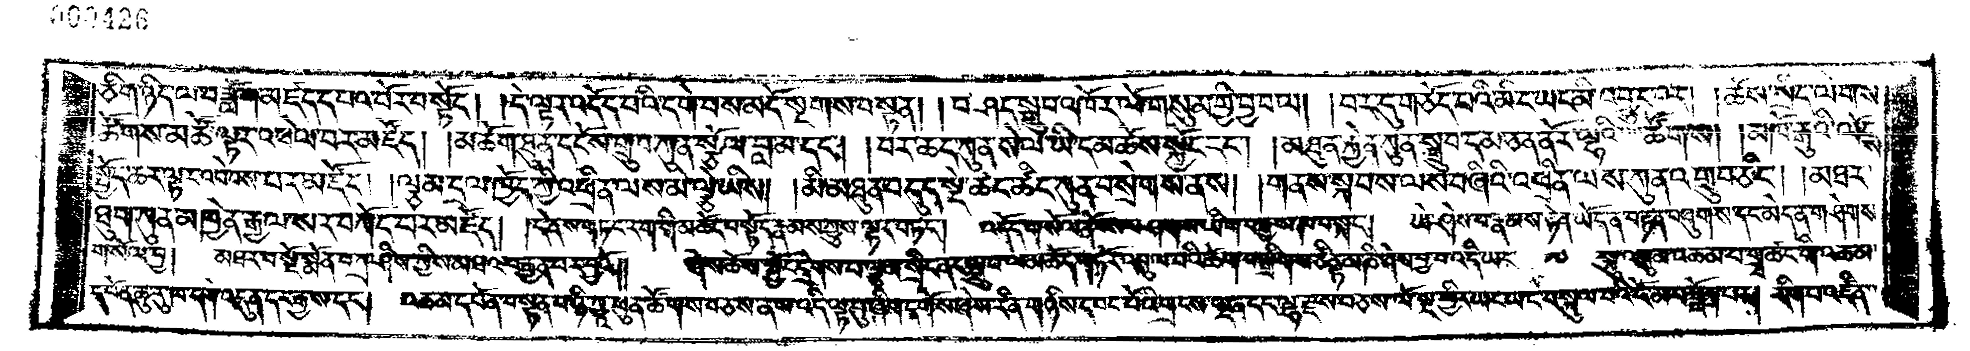ཅིག་ཉིད་ལ་བཟློག་མཛད་དཔའ་བོར་བསྟོང་། །དེ་ལྟར་འདོད་པའི་དགེ་བས་མདོ་སྔགས་བསྟན། །བཤད་སྒྲུབ་འཁོར་ལོ་གསུམ་གྱི་བྱ་བ་ལ། །བར་དུ་གཅོད་པའི་མིང་ཡང་མི་འབྱུང་བར། །ཆོས་སྲིད་ལེགས་
ཚོགས་མཚོ་ལྟར་འཕེལ་བར་མཛོད། །མཆོག་ཐུན་དངོས་གྲུབ་ཀུན་སྩོལ་བླ་མ་དང་། །བར་ཆད་ཀུན་སེལ་ཡི་དམ་ཆོས་སྐྱོང་དང་། །མཐུན་རྐྱེན་ཀུན་སྒྲུབ་དམ་ཅན་ནོར་ལྷའི་ཚོགས། །མཁོ་རྒུའི་ལོངས་
སྤྱོད་ཆར་ལྟར་འབེབས་པར་མཛོད། །ལྕམ་དྲལ་ཁྱོད་ཀྱི་འཕྲིན་ལས་མེ་ལྕེ་ཡིས། །མི་མཐུན་བདུད་སྡེ་ཚང་ཚིང་ཀུན་བསྲེགས་ནས། །གནས་སྐབས་ལས་བཞིའི་འཕྲིན་ལས་ཀུན་འགྲུབ་ཅིང་། །མཐར་
ཐུག་ཀུན་མཁྱེན་རྒྱལ་སར་བཀོད་པར་མཛོད། །དེ་ནས་གཏང་རག་གི་མཆོད་བསྟོད་རྣམས་ཀྱུས་ལྟར་བཏང་། འདོད་གསོལ་ནོངས་བཤགས་ཡིག་བརྒྱས་ཁ་བསྐང་། ཡེ་ཤེས་པ་རྣམས་རྟེན་ཡོད་ན་བརྟན་བཞུགས་དང་མེད་ན་གཤེགས་
གསོལ་བྱ། མཐར་བསྔོ་སྨོན་བཀྲ་ཤིས་ཀྱིས་མཐའ་བརྒྱན་པར་བྱའོ།། ཞེས་ཆོས་སྐྱོང་དྲེགས་པ་ལྕམ་སྲིང་ནང་སྒྲུབ་ལ་མཆོད་གཏོར་འབུལ་བའི་ཚེག་བསྒྲིགས་ཙིནྟ་མ་ཎི་ཞེས་བྱ་བ་འདི་ཡང་༧་སྐུ་འབུམ་འཆམ་པ་གྲྭ་ཚང་གི་འཆམ་
དཔོན་ཆུ་དུ་ཁ་དགེ་འདུན་དར་རྒྱས་དང་། འཆམ་དཔོན་བསྟན་པ་ཉི་ཀྱཱ་ཕུན་ཚོགས་བཅས་ནས་འདི་ལྟ་བུ་ཞིག་དགོས་ཞེས་རིན་གཉིས་དབང་པོའི་གྲངས་ལྡན་དང་ལྷ་རྫས་བཅས་ལོ་སྔ་ཕྱིར་ཡང་ཡང་བསྐུལ་བའི་ངོ་མ་བཟློག་པར། རིག་པ་འཛིན་